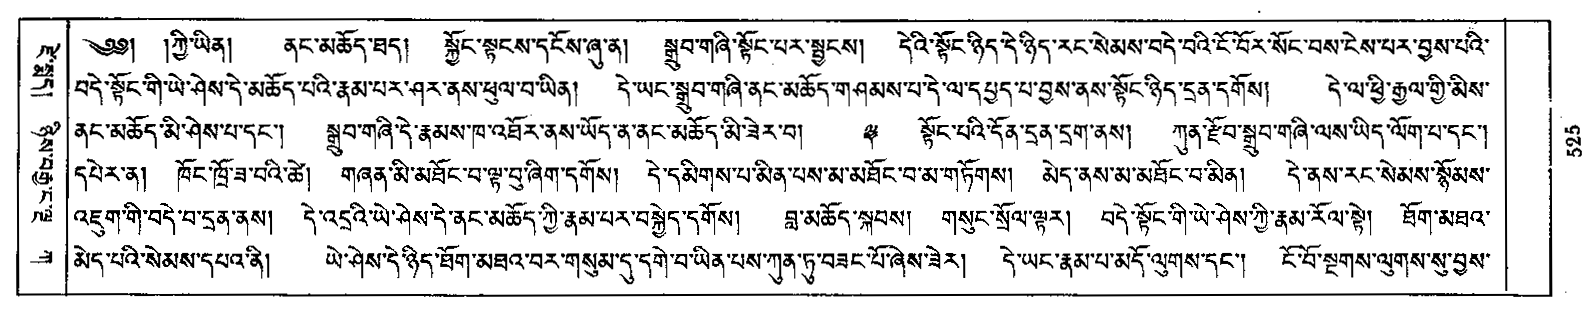༄༅། །ཀྱི་ཡིན། ནང་མཆོད་ཐད། སྐྱོང་སྟངས་དངོས་ཞུ་ན། སྒྲུབ་གཞི་སྟོང་པར་སྦྱངས། དེའི་སྟོང་ཉིད་དེ་ཉིད་རང་སེམས་བདེ་བའི་ངོ་བོར་སོང་བས་ངེས་པར་བྱས་པའི་
བདེ་སྟོང་གི་ཡེ་ཤེས་དེ་མཆོད་པའི་རྣམ་པར་ཤར་ནས་ཕུལ་བ་ཡིན། དེ་ཡང་སྒྲུབ་གཞི་ནང་མཆོད་གཤམས་པ་དེ་ལ་དཔྱད་པ་བྱས་ནས་སྟོང་ཉིད་དྲན་དགོས། དེ་ལ་ཕྱི་རྒྱལ་གྱི་མིས་
ནང་མཆོད་མི་ཤེས་པ་དང་། སྒྲུབ་གཞི་དེ་རྣམས་ཁ་འཐོར་ནས་ཡོད་ན་ནང་མཆོད་མི་ཟེར་བ། ༈ སྟོང་པའི་དོན་དྲན་དྲག་ནས། ཀུན་རྫོབ་སྒྲུབ་གཞི་ལས་ཡིད་ལོག་པ་དང་།
དཔེར་ན། ཁོང་ཁྲོ་ཟ་བའི་ཚེ། གཞན་མི་མཐོང་བ་ལྟ་བུ་ཞིག་དོགས། དེ་དམིགས་པ་མིན་པས་མ་མཐོང་བ་མ་གཏོགས། མེད་ནས་མ་མཐོང་བ་མིན། དེ་ནས་རང་སེམས་སྙོམས་
འཇུག་གི་བདེ་བ་དྲན་ནས། དེ་འདྲའི་ཡེ་ཤེས་དེ་ནང་མཆོད་ཀྱི་རྣམ་པར་བསྐྱེད་དགོས། བླ་མཆོད་སྐབས། གསུང་སྲོལ་ལྟར། བདེ་སྟོང་གི་ཡེ་ཤེས་ཀྱི་རྣམ་རོལ་སྟེ། ཐོག་མཐའ་
མེད་པའི་སེམས་དཔའ་ནི། ཡེ་ཤེས་དེ་ཉིད་ཐོག་མཐའ་བར་གསུམ་དུ་དགེ་བ་ཡིན་པས་ཀུན་ཏུ་བཟང་པོ་ཞེས་ཟེར། དེ་ཡང་རྣམ་པ་མདོ་ལུགས་དང་། ངོ་བོ་སྔགས་ལུགས་སུ་བྱས་